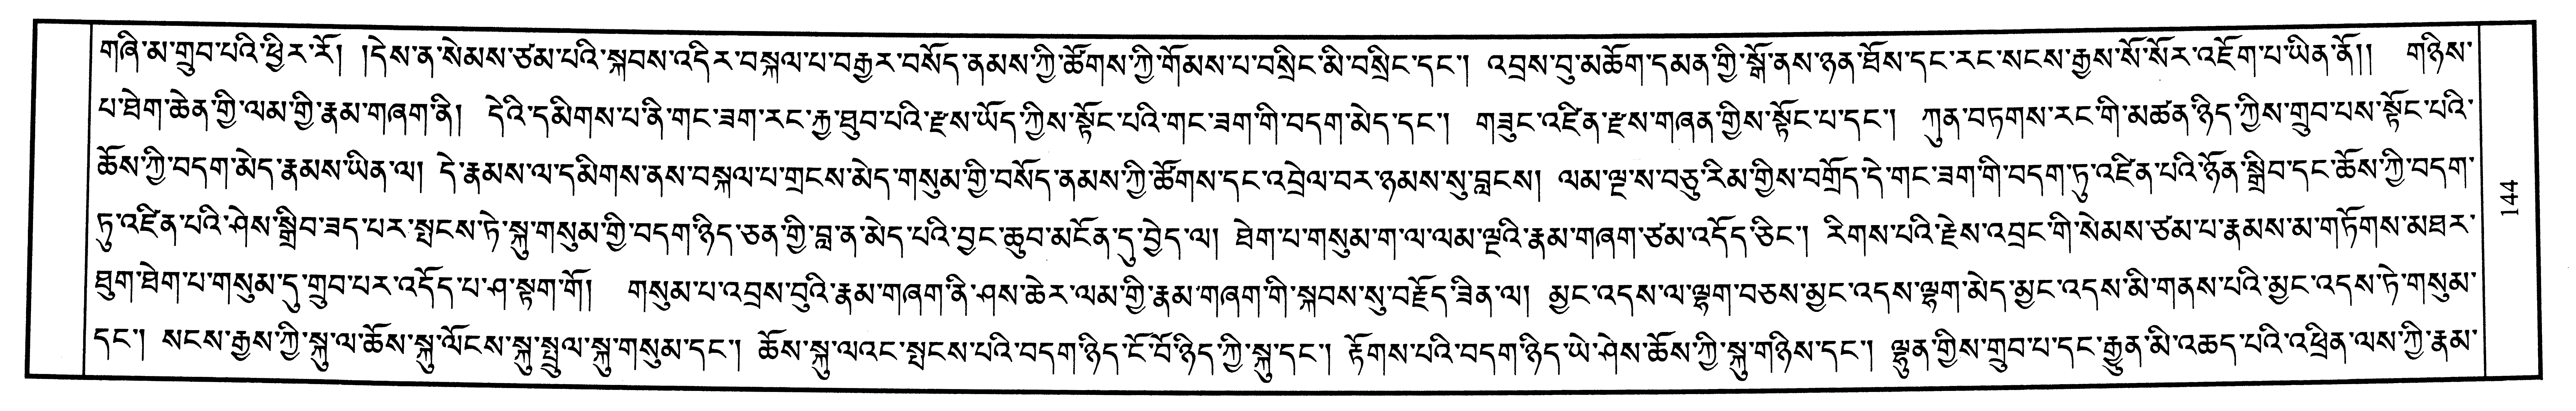གཞི་མ་གྲུབ་པའི་ཕྱིར་རོ། །དེས་ན་སེམས་ཙམ་པའི་སྐབས་འདིར་བསྐལ་པ་བརྒྱར་བསོད་ནམས་ཀྱི་ཚོགས་ཀྱི་གོམས་པ་བསྲིང་མི་བསྲིང་དང་། འབྲས་བུ་མཆོག་དམན་གྱི་སྒོ་ནས་ཉན་ཐོས་དང་རང་སངས་རྒྱས་སོ་སོར་འཇོག་པ་ཡིན་ནོ།། གཉིས་
པ་ཐེག་ཆེན་གྱི་ལམ་གྱི་རྣམ་གཞག་ནི། དེའི་དམིགས་པ་ནི་གང་ཟག་རང་རྐྱ་ཐུབ་པའི་རྫས་ཡོད་ཀྱིས་སྟོང་པའི་གང་ཟག་གི་བདག་མེད་དང་། གཟུང་འཛིན་རྫས་གཞན་གྱིས་སྟོང་པ་དང་། ཀུན་བཏགས་རང་གི་མཚན་ཉིད་ཀྱིས་གྲུབ་པས་སྟོང་པའི་
ཆོས་ཀྱི་བདག་མེད་རྣམས་ཡིན་ལ། དེ་རྣམས་ལ་དམིགས་ནས་བསྐལ་པ་གྲངས་མེད་གསུམ་གྱི་བསོད་ནམས་ཀྱི་ཚོགས་དང་འབྲེལ་བར་ཉམས་སུ་བླངས། ལམ་ལྔ་ས་བཅུ་རིམ་གྱིས་བགྲོད་དེ་གང་ཟག་གི་བདག་ཏུ་འཛིན་པའི་ཉོན་སྒྲིབ་དང་ཆོས་ཀྱི་བདག་
ཏུ་འཛིན་པའི་ཤེས་སྒྲིབ་ཟད་པར་སྤངས་ཏེ་སྐུ་གསུམ་གྱི་བདག་ཉིད་ཅན་གྱི་བླ་ན་མེད་པའི་བྱང་ཆུབ་མངོན་དུ་བྱེད་ལ། ཐེག་པ་གསུམ་ག་ལ་ལམ་ལྔའི་རྣམ་གཞག་ཙམ་འདོད་ཅིང་། རིགས་པའི་རྗེས་འབྲང་གི་སེམས་ཙམ་པ་རྣམས་མ་གཏོགས་མཐར་
ཐུག་ཐེག་པ་གསུམ་དུ་གྲུབ་པར་འདོད་པ་ཤ་སྟག་གོ། གསུམ་པ་འབྲས་བུའི་རྣམ་གཞག་ནི་ཤས་ཆེར་ལམ་གྱི་རྣམ་གཞག་གི་སྐབས་སུ་བརྗོད་ཟིན་ལ། མྱང་འདས་ལ་ལྷག་བཅས་མྱང་འདས་ལྷག་མེད་མྱང་འདས་མི་གནས་པའི་མྱང་འདས་ཏེ་གསུམ་
དང་། སངས་རྒྱས་ཀྱི་སྐུ་ལ་ཆོས་སྐུ་ལོངས་སྐུ་སྤྲུལ་སྐུ་གསུམ་དང་། ཆོས་སྐུ་ལའང་སྤངས་པའི་བདག་ཉིད་ངོ་བོ་ཉིད་ཀྱི་སྐུ་དང་། རྟོགས་པའི་བདག་ཉིད་ཡེ་ཤེས་ཆོས་ཀྱི་སྐུ་གཉིས་དང་། ལྷུན་གྱིས་གྲུབ་པ་དང་རྒྱུན་མི་འཆད་པའི་འཕྲིན་ལས་ཀྱི་རྣམ་